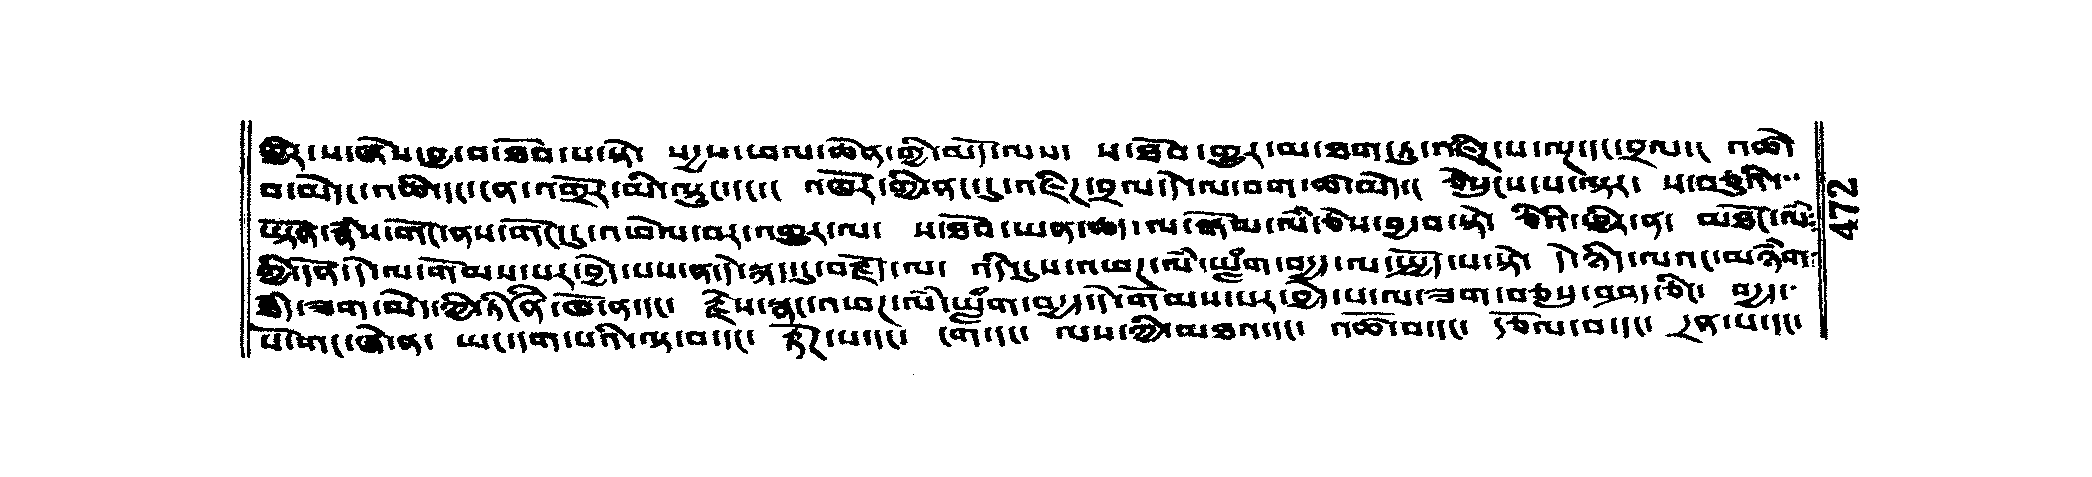ཕྱིར་ས་ཞེས་བྱ་བ་ཐོབ་པ་སྟེ། སངས་རྒྱས་ཕལ་ཆེན་གྱི་མདོ་ལས། ས་ཐོབ་གྱུར་མ་ཐག་ཏུ་འཇིགས་པ་ལྔ་དང་བྲལ། །འཚེ་
བ་མེད་དང་འཆི་དང་ངན་འགྲོར་མི་ལྟུང་དང་། །འཁོར་གྱི་ནང་དུ་འཇིགས་བྲལ་དེ་ལ་བག་ཚ་མེད། ཅེས་གསུངས་པ་ལྟར། ས་བཅུའི་
ཡོན་ཏན་རྣམས་གོང་ནས་གོང་དུ་འཕེལ་བར་འགྱུར་ལ།ས་ཐོབ་ཡན་ཆད་ལ་སྒོམ་ལམ་ཞེས་བྱ་བ་སྟེ། ཅིའི་ཕྱིར་ན། མཐོང་ལམ་
གྱི་དོན་དེ་ལ་གོམས་པར་བྱེད་པས་ན་དེ་སྐད་དུ་བརྗོད་ལ། འདི་དུས་འཕགས་ལམ་ཡན་ལག་བརྒྱད་ལ་སྤྱོད་པ་སྟེ། དེ་ཉིད་ལའང་མཉམ་བཞག་
ཐམས་ཅད་ཟག་མེད་ཀྱི་ཏིང་འཛིན་ཁོ་ན་དང་། རྗེས་སྣང་འཕགས་ལམ་ཡན་ལག་བརྒྱད་དེ་གོམས་པར་བྱེད་པ་ལ་ཟག་བཅས་སུ་བཤད་ཅིང་། བརྒྱད་
པོ་གང་ཞེ་ན། ཡང་དག་པའི་ལྟ་བ་དང་། རྟོགས་པ་དང་། ངག་དང་། ལས་ཀྱི་མཐའ་དང་། འཚོ་བ་དང་། རྩོལ་བ་དང་། དྲན་པ་དང་